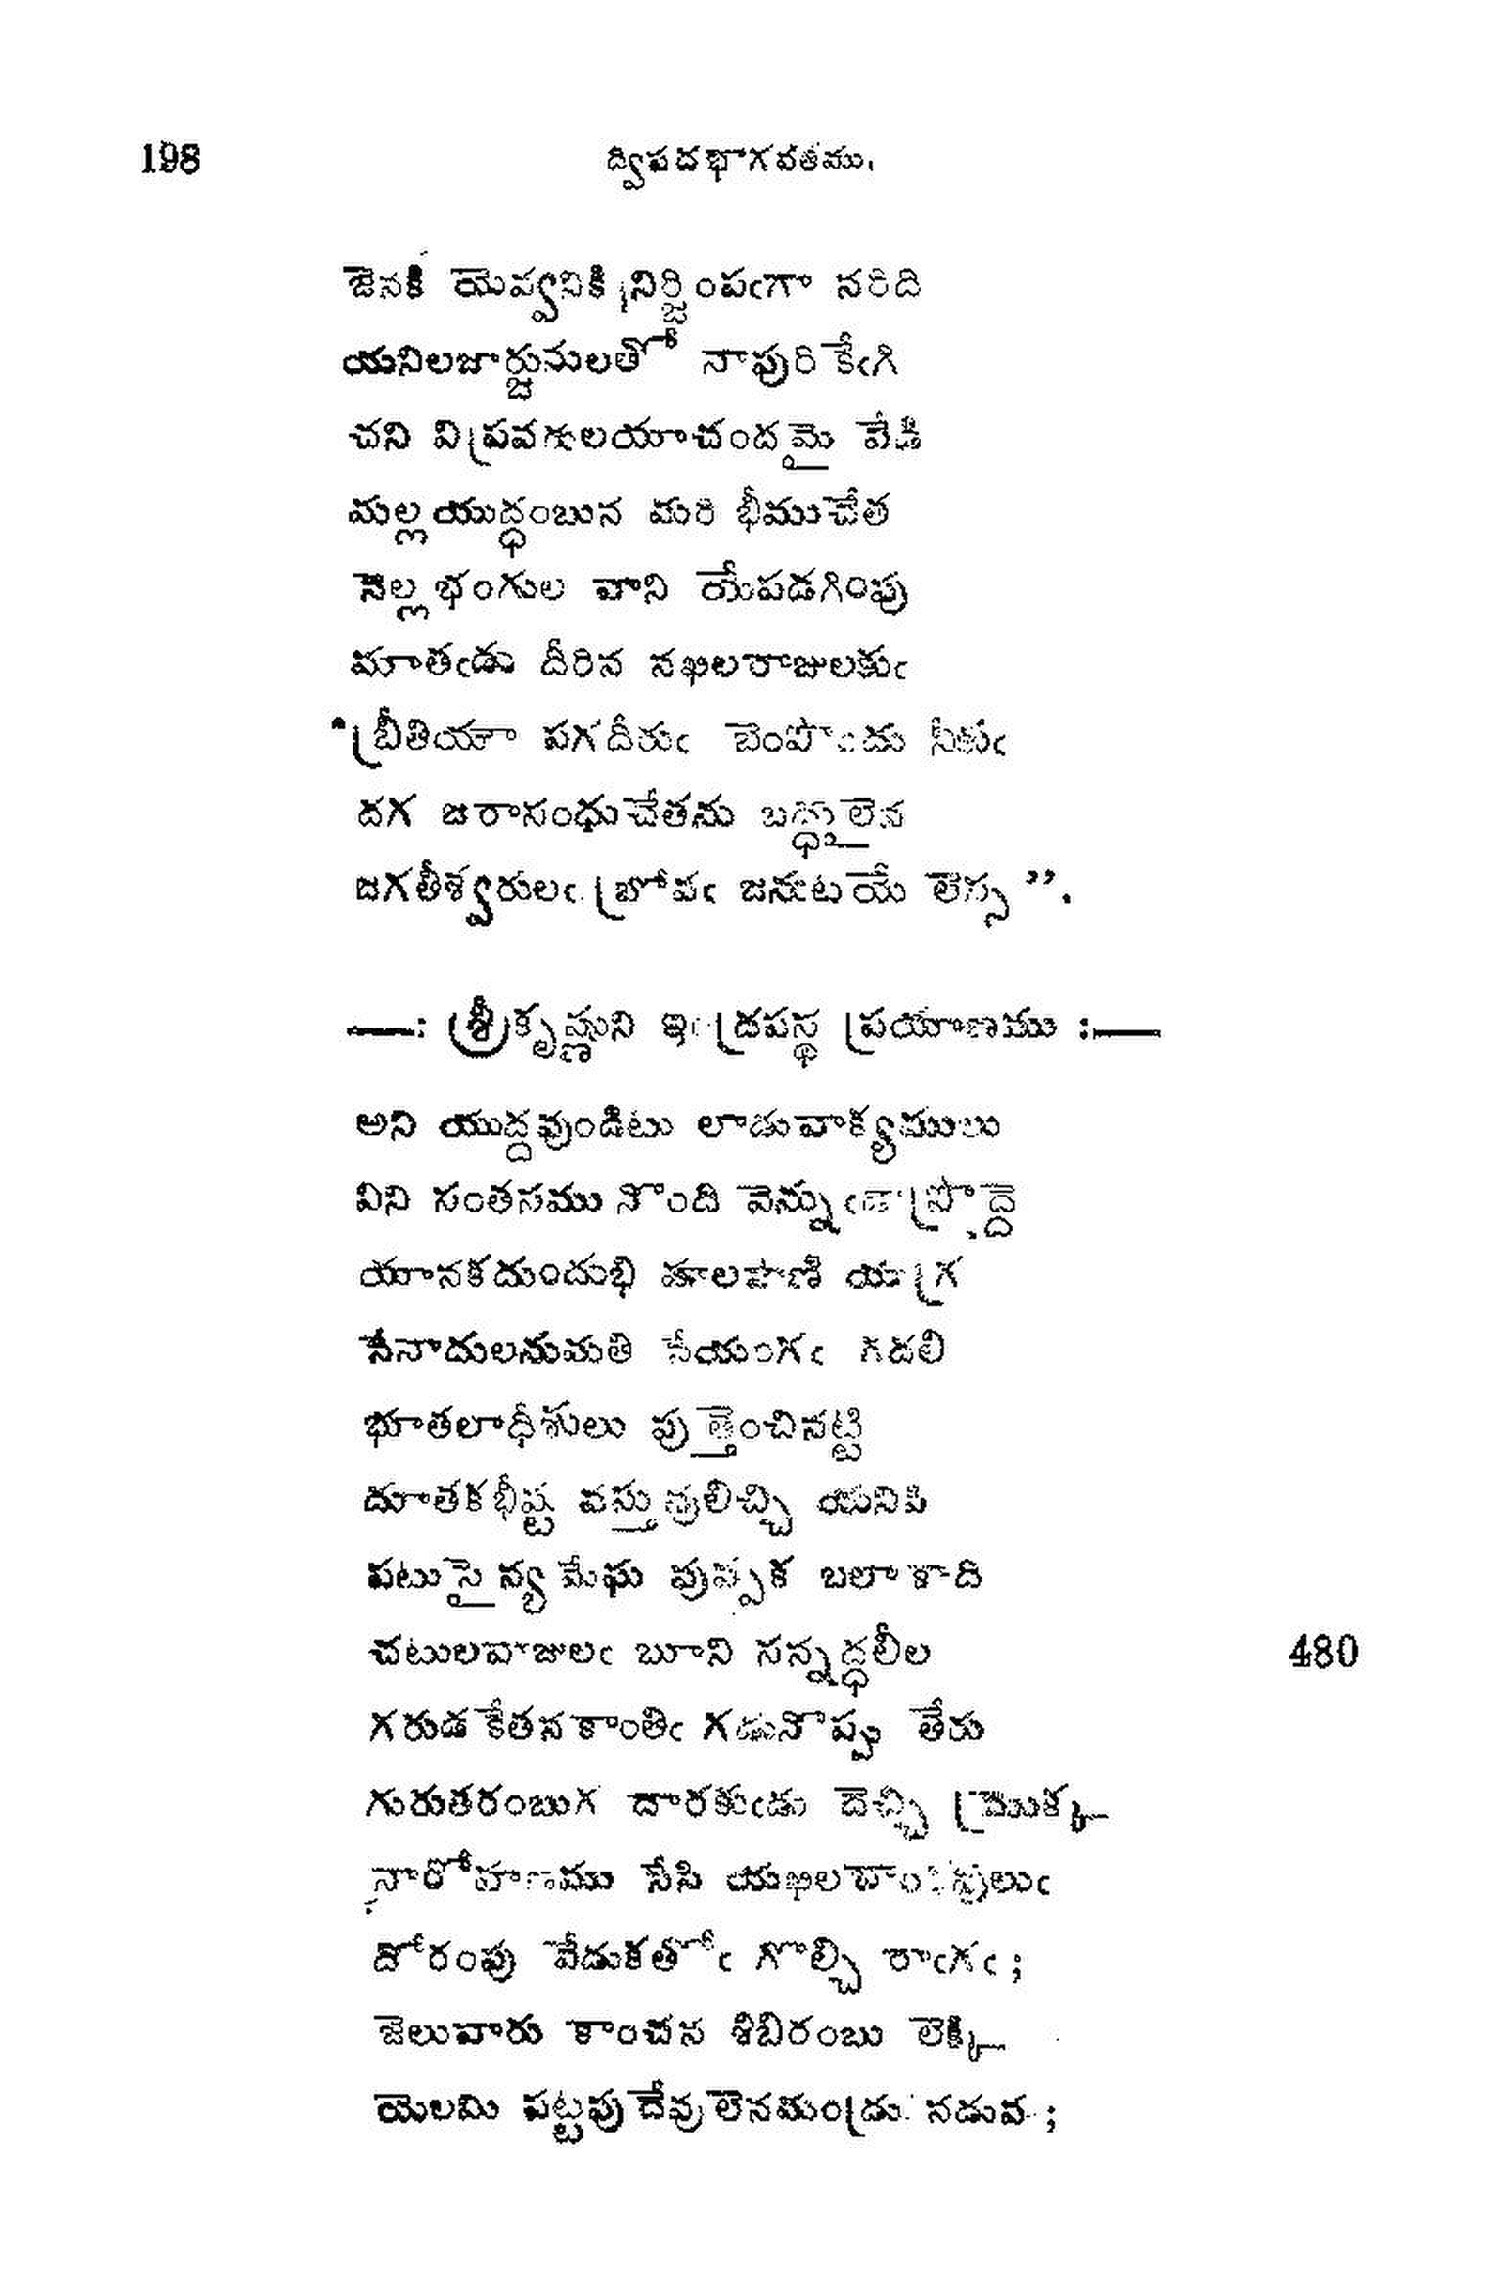జెనకి యెవ్వనికి నిర్జింపఁగా నరిది
యనిలజార్జునులతో నాపురికేఁగి
చని విప్రవరులయాచందమై వేడి 
మల్లయుద్ధంబున మరి భీముచేత
నెల్లభంగులవాని యేపడగింపు
మాతఁడు దీరిన నఖిలరాజులకుఁ 
“బ్రీతియౌ పగదీరుఁ బెంపొందు నీకుఁ
దగ జరాసంధుచేతను బద్ధులైన
జగతీశ్వరులఁ బ్రోవఁ జనుటయే లెస్స.”

అని యుద్ధవుండిటు లాడువాక్యములు
విని సంతసమునొంది వెన్నుఁడాప్రొద్దె
యానకదుందుభి హలపాణి యుగ్ర 
సేనాదులనుమతి సేయంగఁ గదలి 
భూతలాధీశులు పుత్తెంచినట్టి
దూతకభీష్ట వస్తువులిచ్చి యనిపి
పటు సైన్య మేఘ పుష్పక బలాకాది
చటులవాజులఁ బూని సన్నద్ధలీల480
గరుడకేతనకాంతిఁ గడునొప్పు తేరు
గురుతరంబుగ దారకుఁడు దెచ్చి మ్రొక్క
నారోహణము సేసి యఖిలబాంధవులుఁ
దోరంపు వేడుకతోఁ గొల్చి రాఁగఁ; 
జెలువారు కాంచన శిబిరంబు లెక్కి
యెలమి పట్టపుదేవు లెనమండ్రు నడువ;